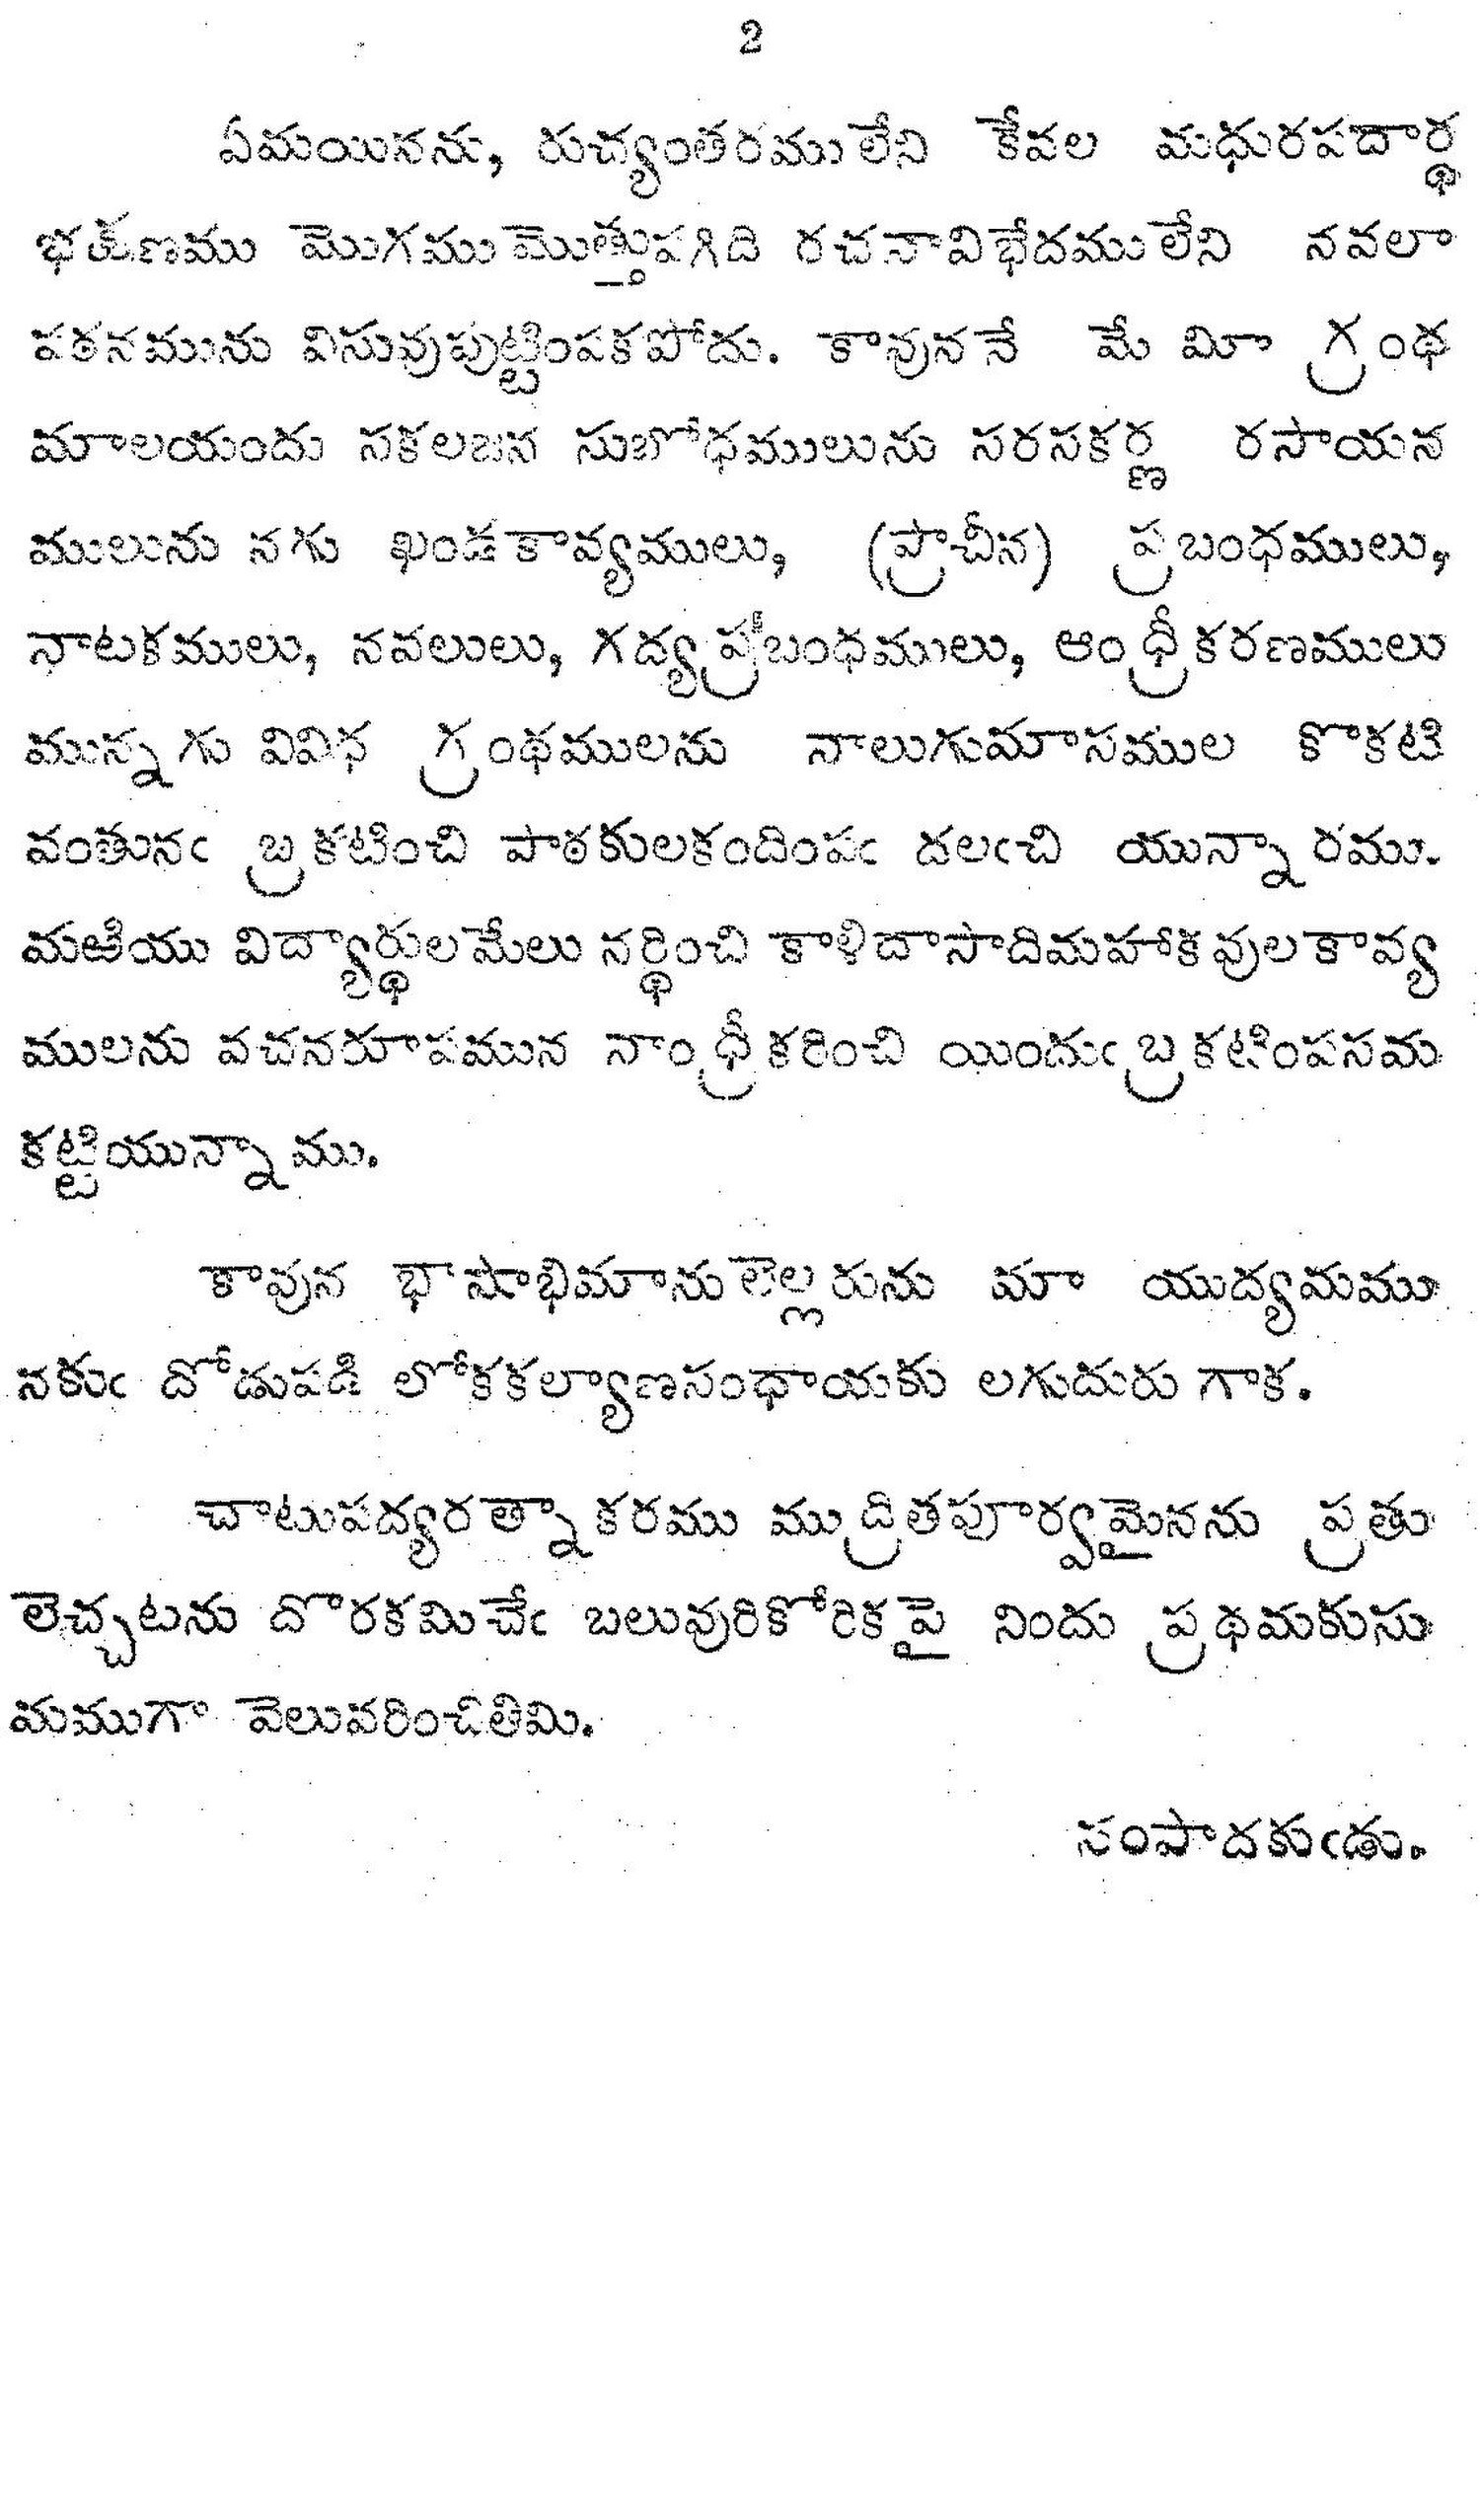ఏమయినను, రుచ్యంతరములేని కేవల మధురపదార్ధభక్షణము మొగము మొత్తుపగిది రచనావిభేదములేని నవలాపఠనమును విసువుపుట్టింపకపోదు. కావుననే మే మీ గ్రంథమాలయందు సకలజన సుబోధములును సరసకర్ణ రసాయనములును నగు ఖండకావ్యములు, (ప్రాచీన) ప్రబంధములు, నాటకములు, నవలలు, గద్యప్రబంధములు, ఆంధ్రీకరణములు మున్నగు వివిధ గ్రంథములను నాలుగుమాసముల కొకటి వంతునఁ బ్రకటించి పాఠకులకందింపఁ దలఁచి యున్నారము. మఱియు విద్యార్థులమేలు నర్థించి కాళిదాసాదిమహాకవుల కావ్యములను వచనరూపమున నాంధ్రీకరించి యిందుఁ బ్రకటింప సమకట్టియున్నాము.

కావున భాషాభిమానులెల్లరును మా యుద్యమమునకుఁ దోడుపడి లోకకల్యాణసంధాయకు లగుదురు గాక.

చాటుపద్యరత్నాకరము ముద్రితపూర్వమైనను ప్రతులెచ్చటను దొరకమిచే బలువురికోరికపై నిందు ప్రథమకుసుమముగా వెలువరించితిమి.